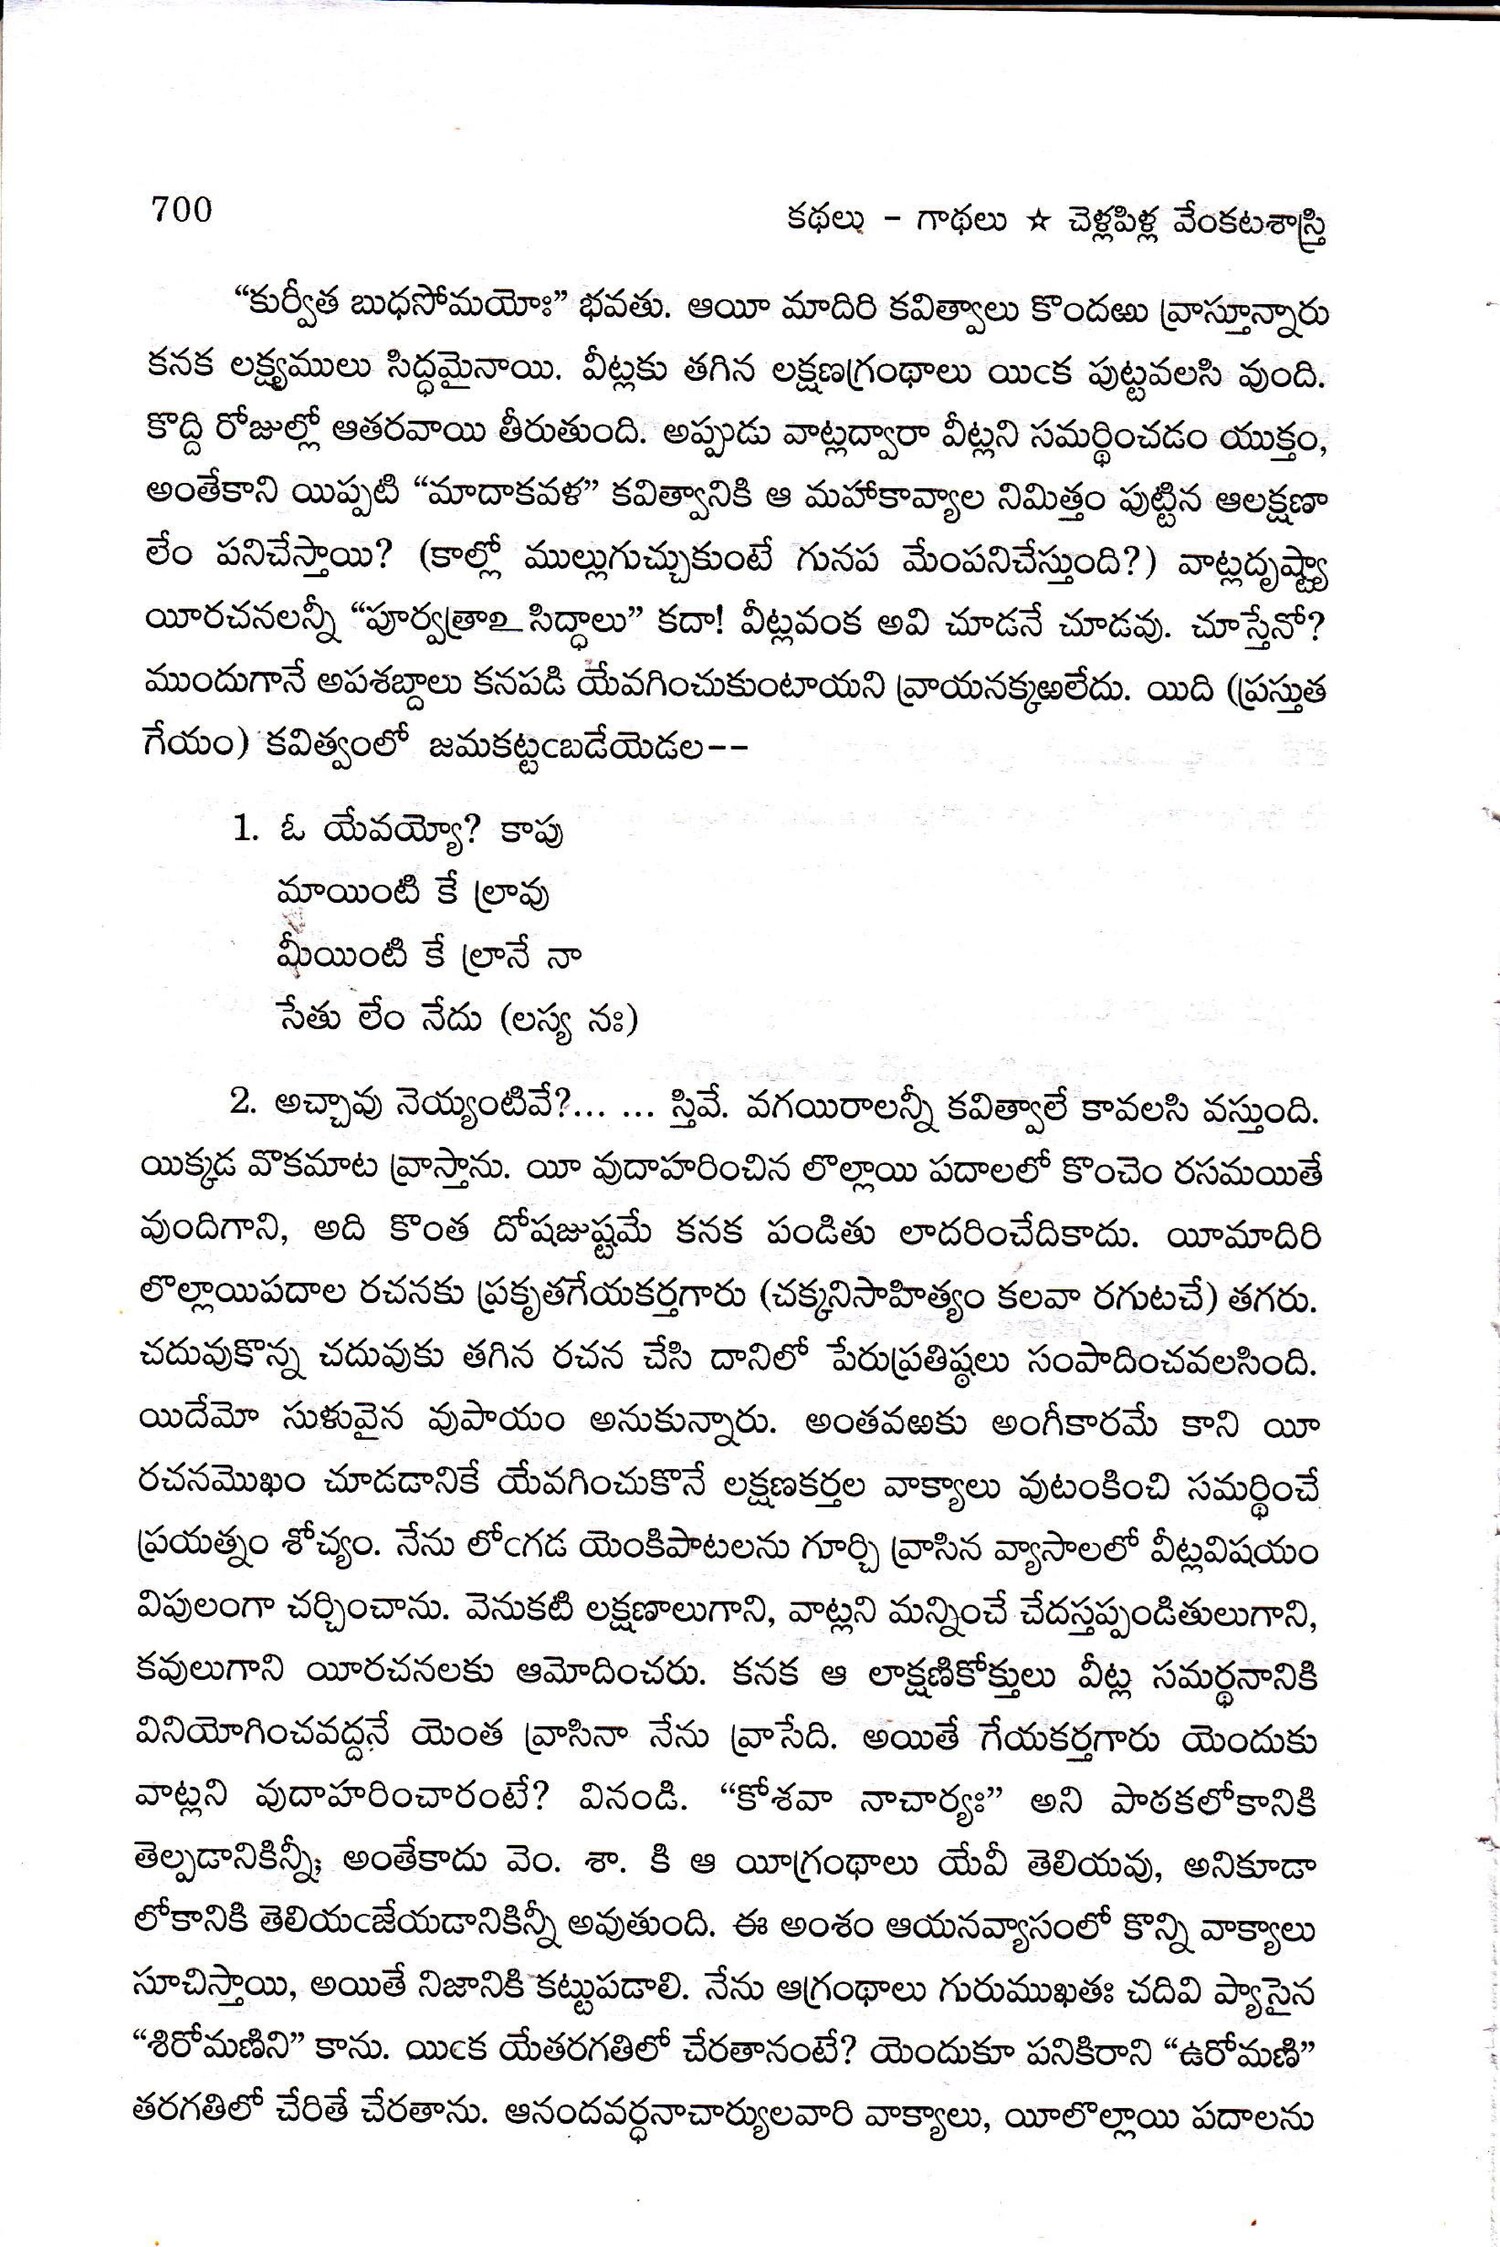“కుర్వీత బుధసోమయోః" భవతు. ఆయీ మాదిరి కవిత్వాలు కొందఱు వ్రాస్తూన్నారు కనక లక్ష్యములు సిద్ధమైనాయి. వీట్లకు తగిన లక్షణగ్రంథాలు యిఁక పుట్టవలసి వుంది. కొద్ది రోజుల్లో ఆతరవాయి తీరుతుంది. అప్పుడు వాట్లద్వారా వీట్లని సమర్థించడం యుక్తం, అంతేకాని యిప్పటి “మాదాకవళ" కవిత్వానికి ఆ మహాకావ్యాల నిమిత్తం పుట్టిన ఆలక్షణా లేం పనిచేస్తాయి? (కాల్లో ముల్లుగుచ్చుకుంటే గునప మేంపనిచేస్తుంది?) వాట్లదృష్ట్యా యీరచనలన్నీ "పూర్వత్రాల౽ సిద్ధాలు" కదా! వీట్లవంక అవి చూడనే చూడవు. చూస్తేనో? ముందుగానే అపశబ్దాలు కనపడి యేవగించుకుంటాయని వ్రాయనక్కఱలేదు. యిది (ప్రస్తుత గేయం) కవిత్వంలో జమకట్టఁబడేయెడల-

1. ఓ యేవయ్యో? కాపు
 మాయింటి కే ల్రావు 
 మీయింటి కే ల్రానే నా 
 సేతు లేం నేదు (లస్య నః)
2. అచ్చావు నెయ్యంటివే?... ... స్తివే. వగయిరాలన్నీ కవిత్వాలే కావలసి వస్తుంది. యిక్కడ వొకమాట వ్రాస్తాను. యీ వుదాహరించిన లొల్లాయి పదాలలో కొంచెం రసమయితే వుందిగాని, అది కొంత దోషజుష్టమే కనక పండితు లాదరించేదికాదు. యీమాదిరి లొల్లాయిపదాల రచనకు ప్రకృతగేయకర్తగారు (చక్కనిసాహిత్యం కలవా రగుటచే) తగరు. చదువుకొన్న చదువుకు తగిన రచన చేసి దానిలో పేరుప్రతిష్టలు సంపాదించవలసింది. యిదేమో సుళువైన వుపాయం అనుకున్నారు. అంతవఱకు అంగీకారమే కాని యీ రచనమొఖం చూడడానికే యేవగించుకొనే లక్షణకర్తల వాక్యాలు వుటంకించి సమర్థించే ప్రయత్నం శోచ్యం. నేను లోఁగడ యెంకిపాటలను గూర్చి వ్రాసిన వ్యాసాలలో వీట్లవిషయం విపులంగా చర్చించాను. వెనుకటి లక్షణాలుగాని, వాట్లని మన్నించే చేదస్తప్పండితులుగాని, కవులుగాని యీరచనలకు ఆమోదించరు. కనక ఆ లాక్షణికోక్తులు వీట్ల సమర్థనానికి వినియోగించవద్దనే యెంత వ్రాసినా నేను వ్రాసేది. అయితే గేయకర్తగారు యెందుకు వాట్లని వుదాహరించారంటే? వినండి. "కోశవా నాచార్యః” అని పాఠకలోకానికి తెల్పడానికిన్నీ అంతేకాదు వెం. శా. కి ఆ యీగ్రంథాలు యేవీ తెలియవు, అనికూడా లోకానికి తెలియఁజేయడానికిన్నీ అవుతుంది. ఈ అంశం ఆయనవ్యాసంలో కొన్ని వాక్యాలు సూచిస్తాయి, అయితే నిజానికి కట్టుపడాలి. నేను ఆగ్రంథాలు గురుముఖతః చదివి ప్యాసైన “శిరోమణిని" కాను. యిఁక యేతరగతిలో చేరతానంటే? యెందుకూ పనికిరాని “ఉరోమణి" తరగతిలో చేరితే చేరతాను. ఆనందవర్ధనాచార్యులవారి వాక్యాలు, యీలొల్లాయి పదాలను